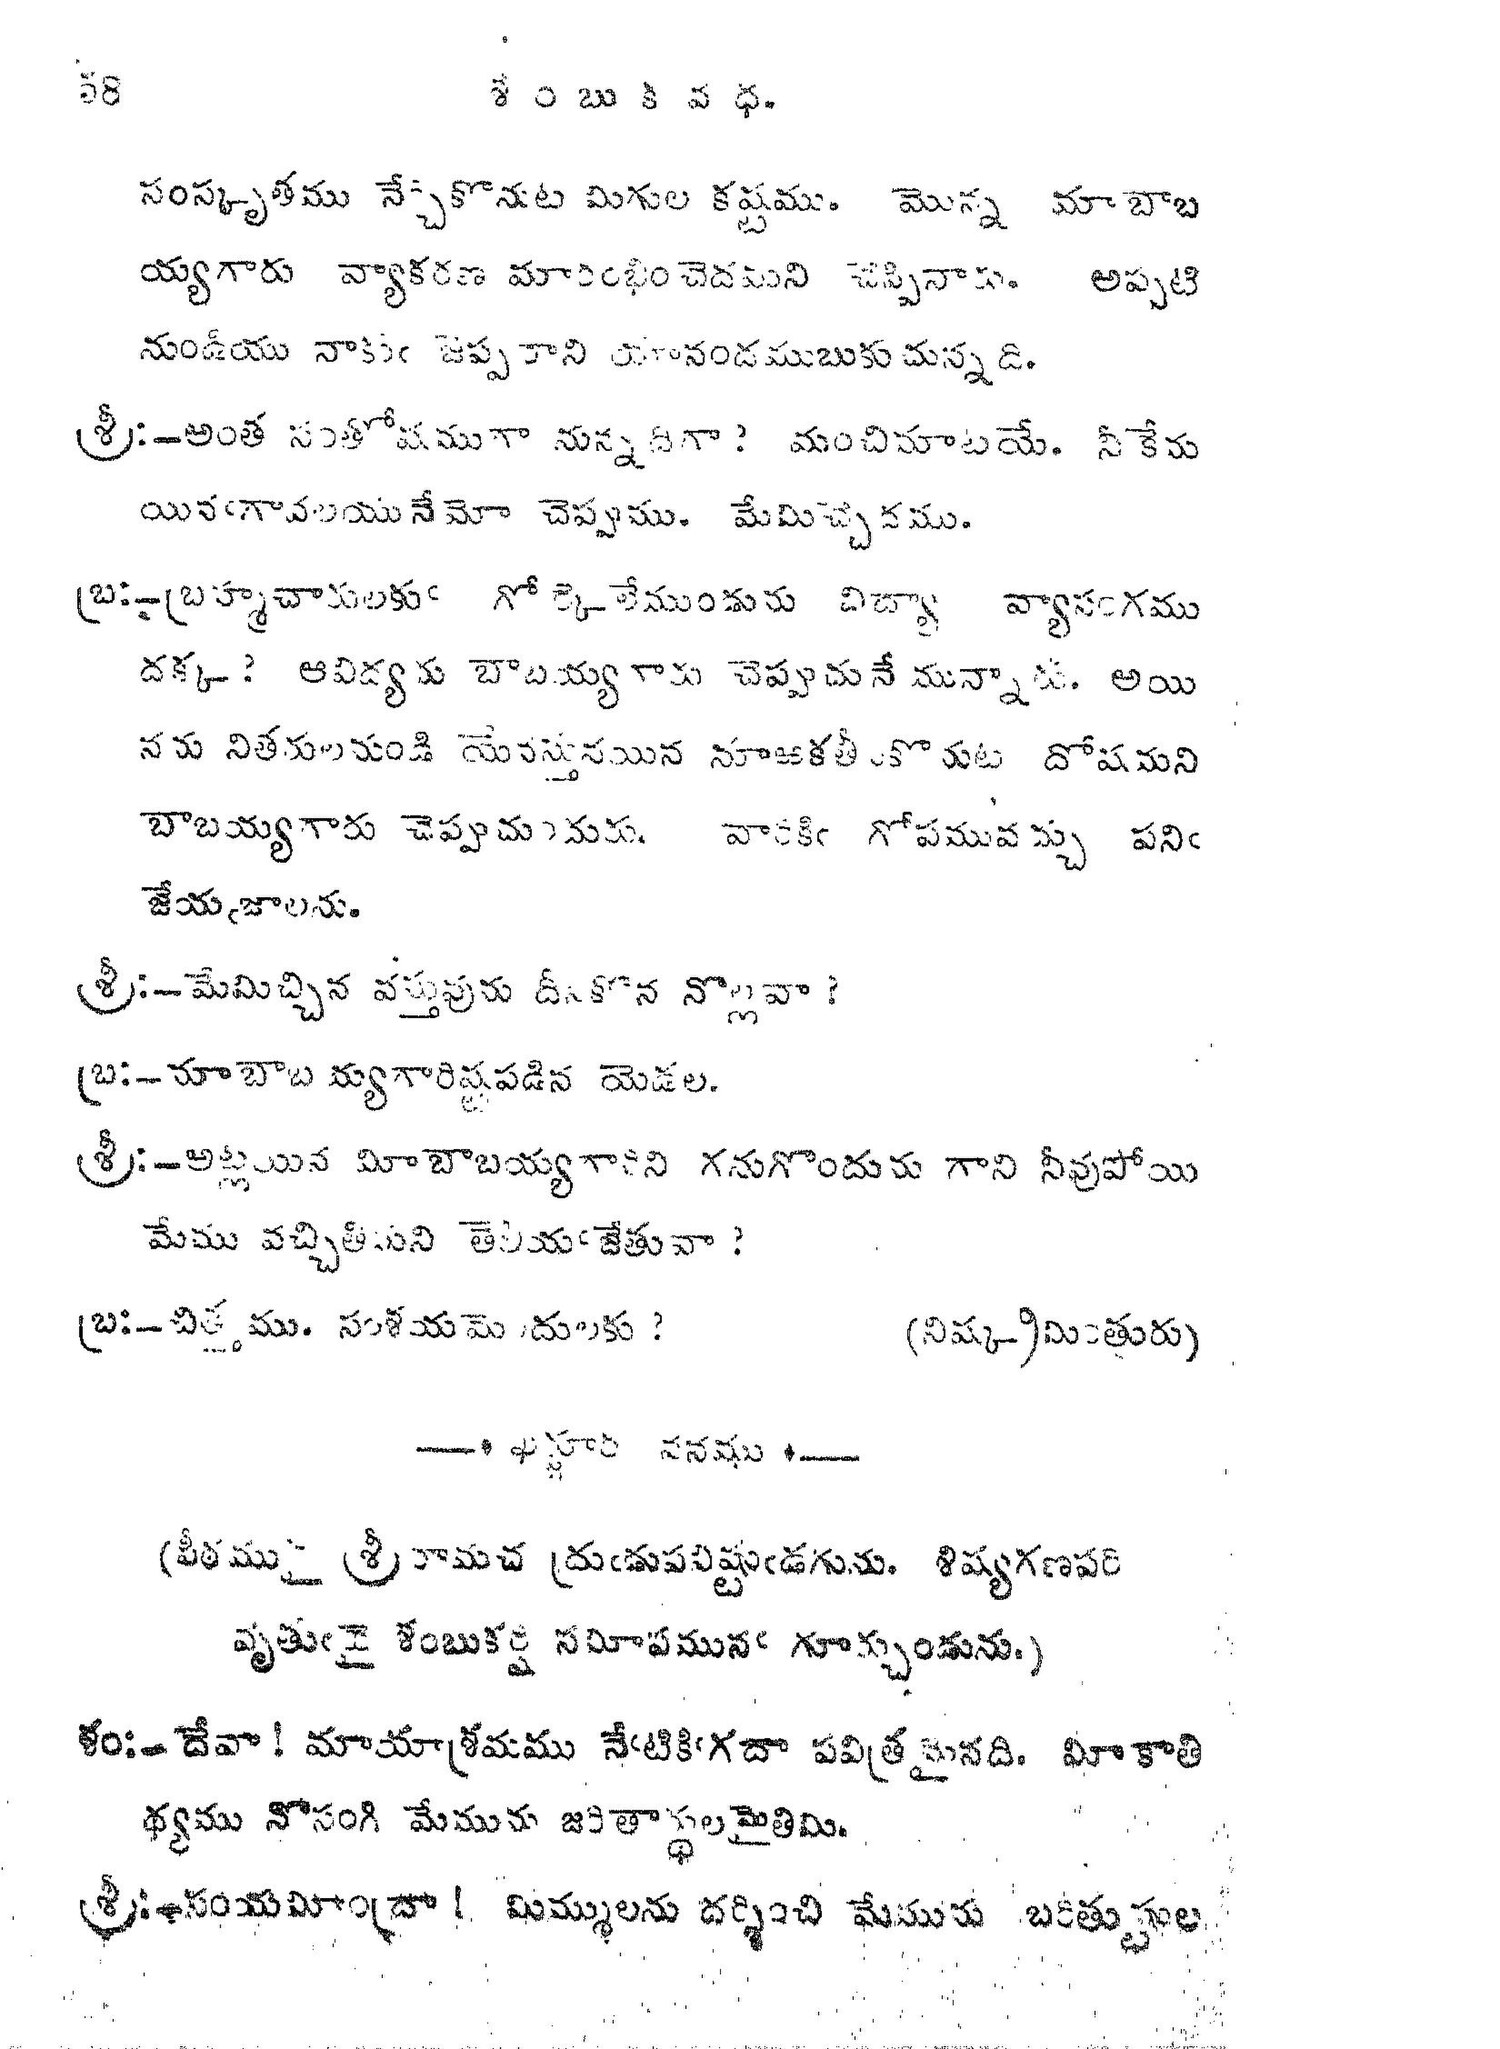సంస్కృతము న్చేకొనుట మిగుల కష్టము. మొన్న మా బాబ
 య్యగారు వ్యాకరణ మారంబిం చెదమని చెప్పినారు.. అప్పటి
 నుండియు నాకుజెప్పరాని ఆనందముబుకు చున్నది.

శ్రీ:- అంత సంతోషముగా నున్నదిగా . మంచిమాటయే. నీ కేమ
 యినఁగావయు నేమో చెప్పుము. మేమిచ్చెదము.

బ్ర:బ్రహ్మచారులకుఁ గోర్కెలేముండును. విద్యా వ్యాసంగము
 దక్క? అవిద్యను బాబయ్య గారు చెప్పుచునే యున్నారు . అయి
 నను నితరులనుండి యేవస్తువయినను నూఱక తీసి కొనుట దోషమని
 బాబయ్య గారు చెప్పుచు చుందురు. వారికిఁ గోపమువ చ్చుపని
 జేయజాలను.

శ్రీ: మేమిచ్చిన వస్తువును దీసికొన నొల్లవా ?

బ్ర: నూబాబయ్యగారిష్ట పడిన యెడల.

శ్రీ:- అట్లయిన మా బాబయ్యగానిని గను గొందును గాని నీవుపోయి
 మేము వచ్చితిమని తెలియఁ చేతువా ?

బ్ర- చిత్తము. సంశయమెందులకు ? (నిష్క్రమింతురు)

 (పీఠముపై - శ్రీరామచ ద్రుఁడుపవిష్టుడగును. శిష్యగణపరి
 వృతుఁడై శంబుకర్ష సమీపమునఁ గూర్చుండును.)

శం:దేవా! మాయాశ్రమము నేటికి గదా పవిత్రమైనది. మీకాతి
 థ్యము నోసంగి మేమును జరితార్థుల మైతిమి.

శ్రీ: సంయమీంద్రా ! మిమ్ములను దర్శించి మేముకు బరితుష్టుల